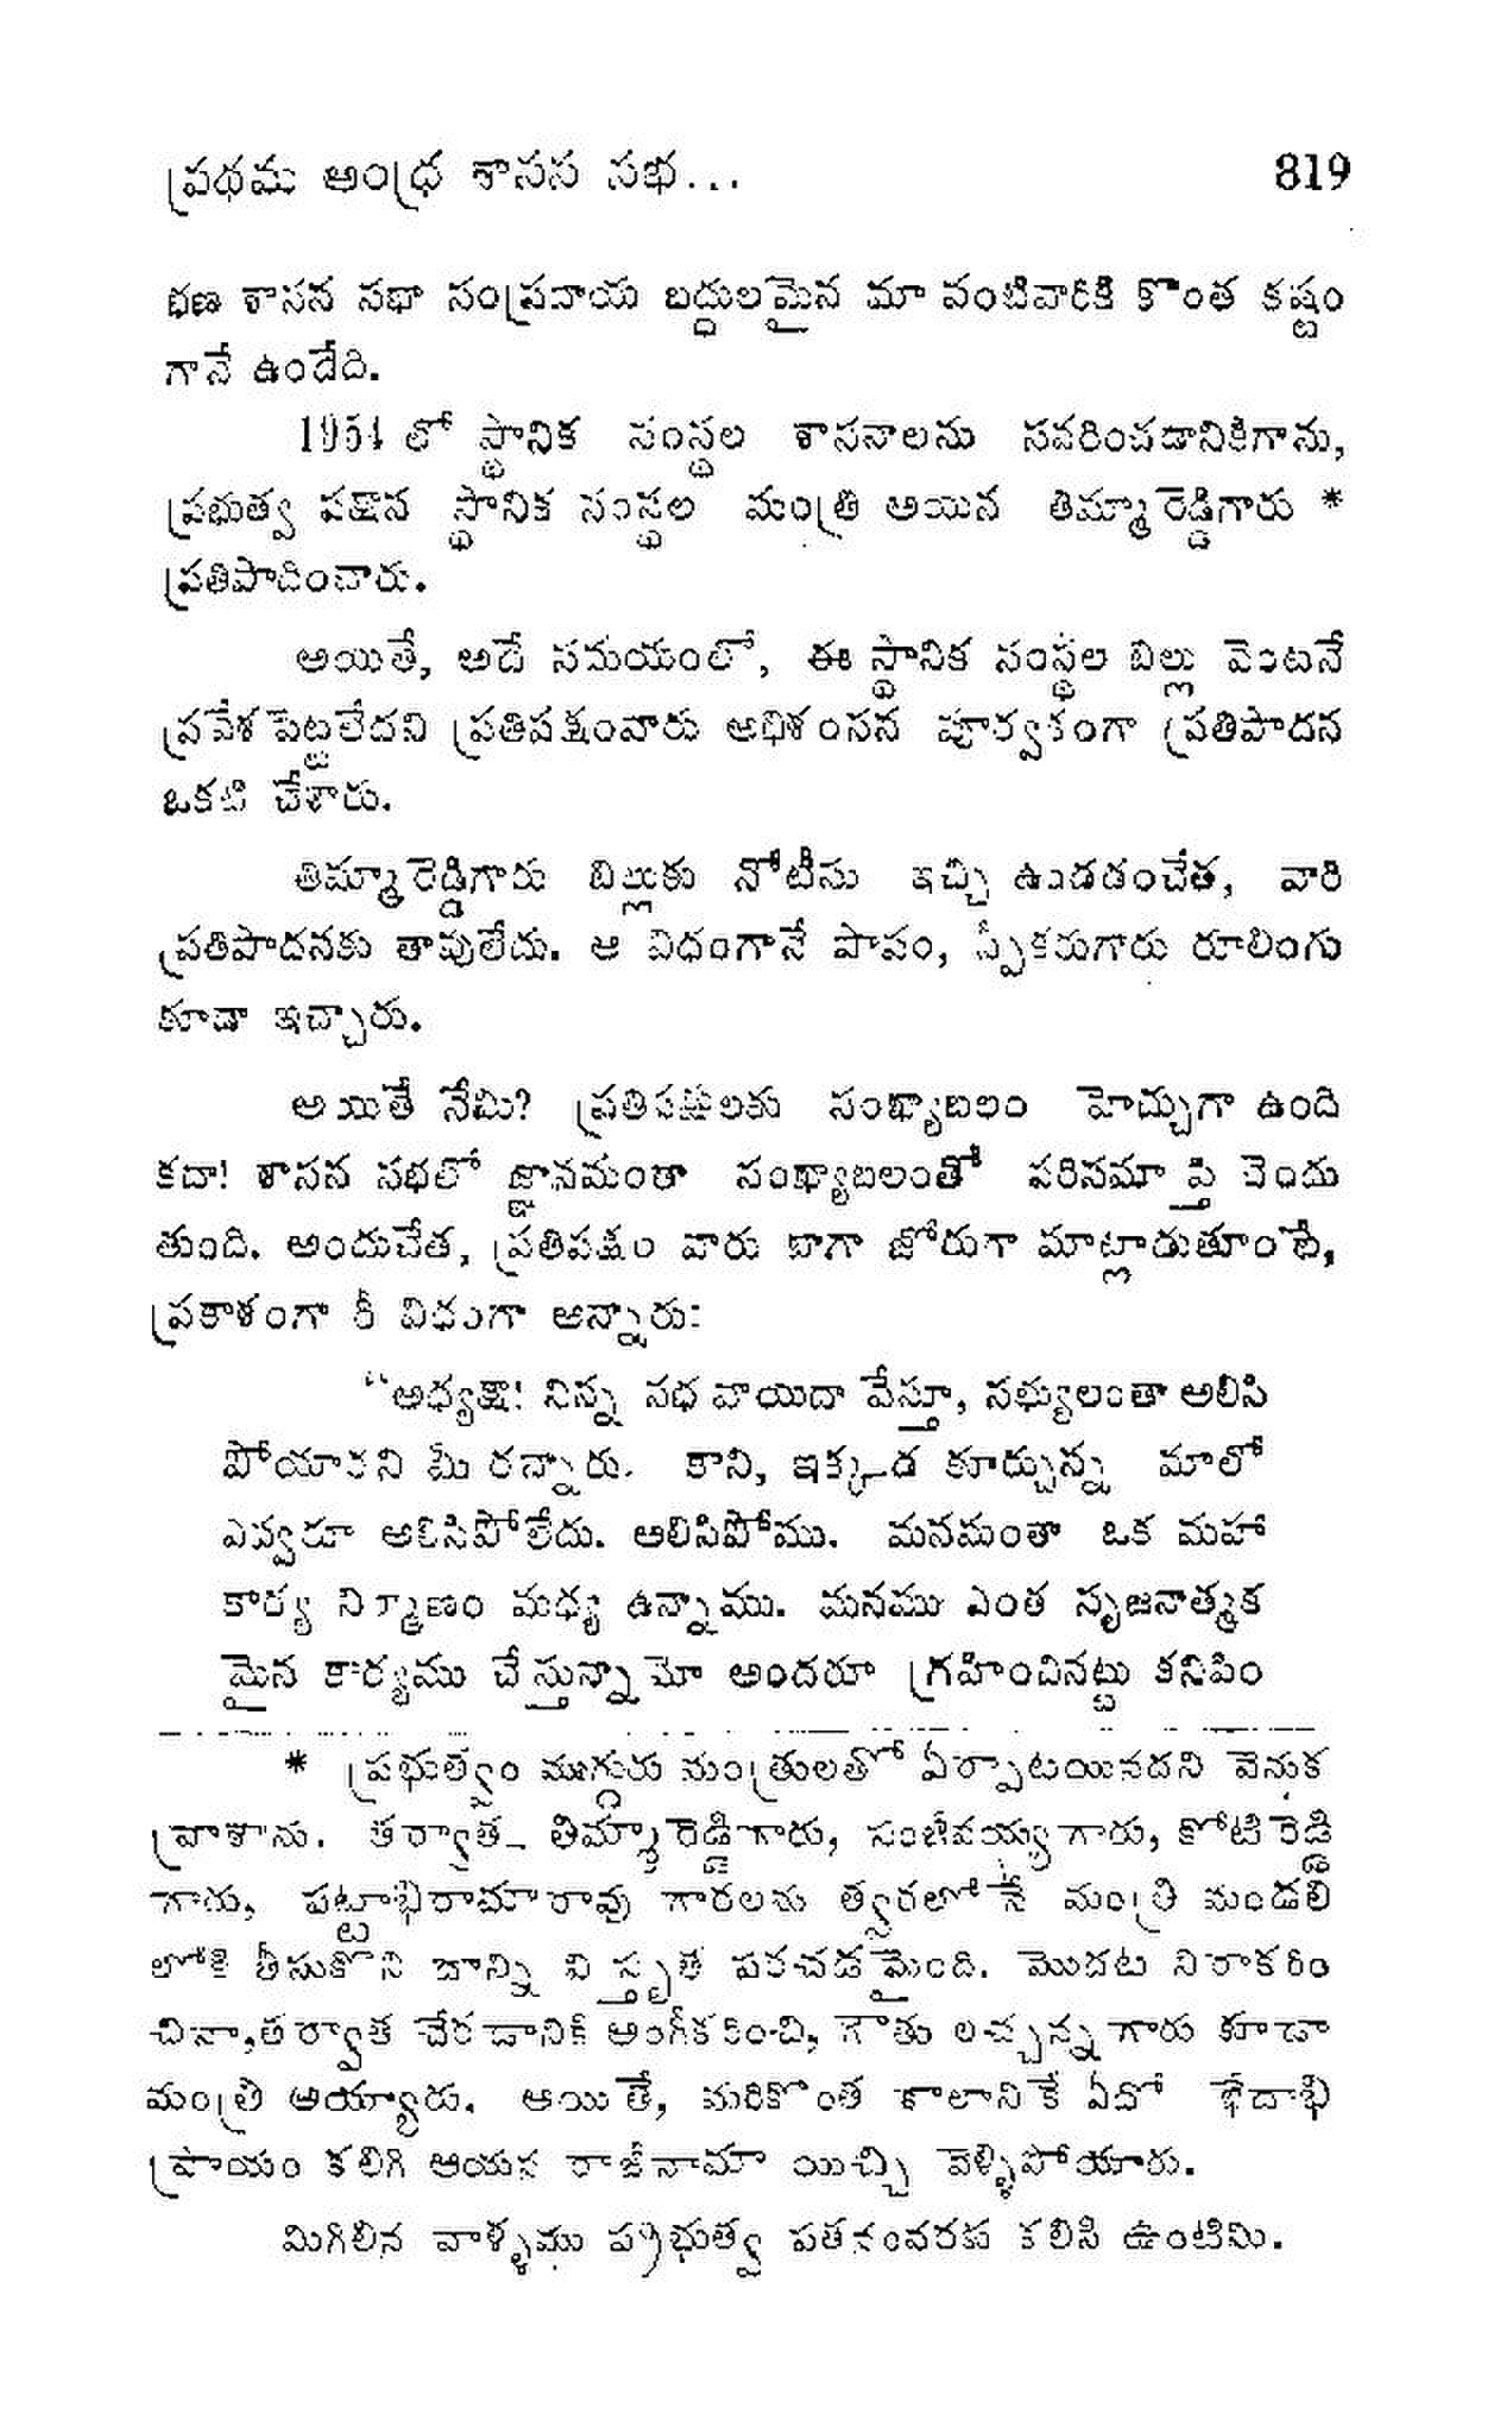భణ శాసన సభా సంప్రదాయ బద్దులమైన మా వంటివారికి కొంత కష్టంగానే ఉండేది.

1954 లో స్థానిక సంస్థల శాసనాలను సవరించడానికిగాను, ప్రభుత్వ పక్షాన స్థానిక సంస్థల మంత్రి అయిన తిమ్మారెడ్డిగారు ప్రతిపాదించారు.

అయితే, అదే సమయంలో, ఈ స్థానిక సంస్థల బిల్లు వెంటనే ప్రవేశపెట్టలేదని ప్రతిపక్షంవారు అభిశంసన పూర్వకంగా ప్రతిపాదన ఒకటి చేశారు.

తిమ్మారెడ్డిగారు బిల్లుకు నోటీసు ఇచ్చి ఉండడంచేత, వారి ప్రతిపాదనకు తావులేదు. ఆ విధంగానే పాపం, స్పీకరుగారు రూలింగుకూడా ఇచ్చారు.

అయితే నేమి? ప్రతిపక్షులకు సంఖ్యాబలం హెచ్చుగా ఉంది కదా! శాసన సభలో జ్ఞానమంతా సంఖ్యాబలంతో పరిసమాప్తి చెందుతుంది. అందుచేత, ప్రతిపక్షంవారు బాగా జోరుగా మాట్లాడుతూంటే, ప్రకాశంగా రీ విధంగా అన్నారు:

"అధ్యక్షా! నిన్న సభ వాయిదా వేస్తూ, సభ్యులంతా అలిసి పోయారని మీ రన్నారు. కాని, ఇక్కడ కూర్చున్న మాలో ఎవ్వరూ అలిసిపోలేదు. అలిసిపోము. మనమంతా ఒక మహాకార్య నిర్మాణం మధ్య ఉన్నాము. మనము ఎంత సృజనాత్మకమైన కార్యము చేస్తున్నామో అందరూ గ్రహించినట్టు కనిపిం